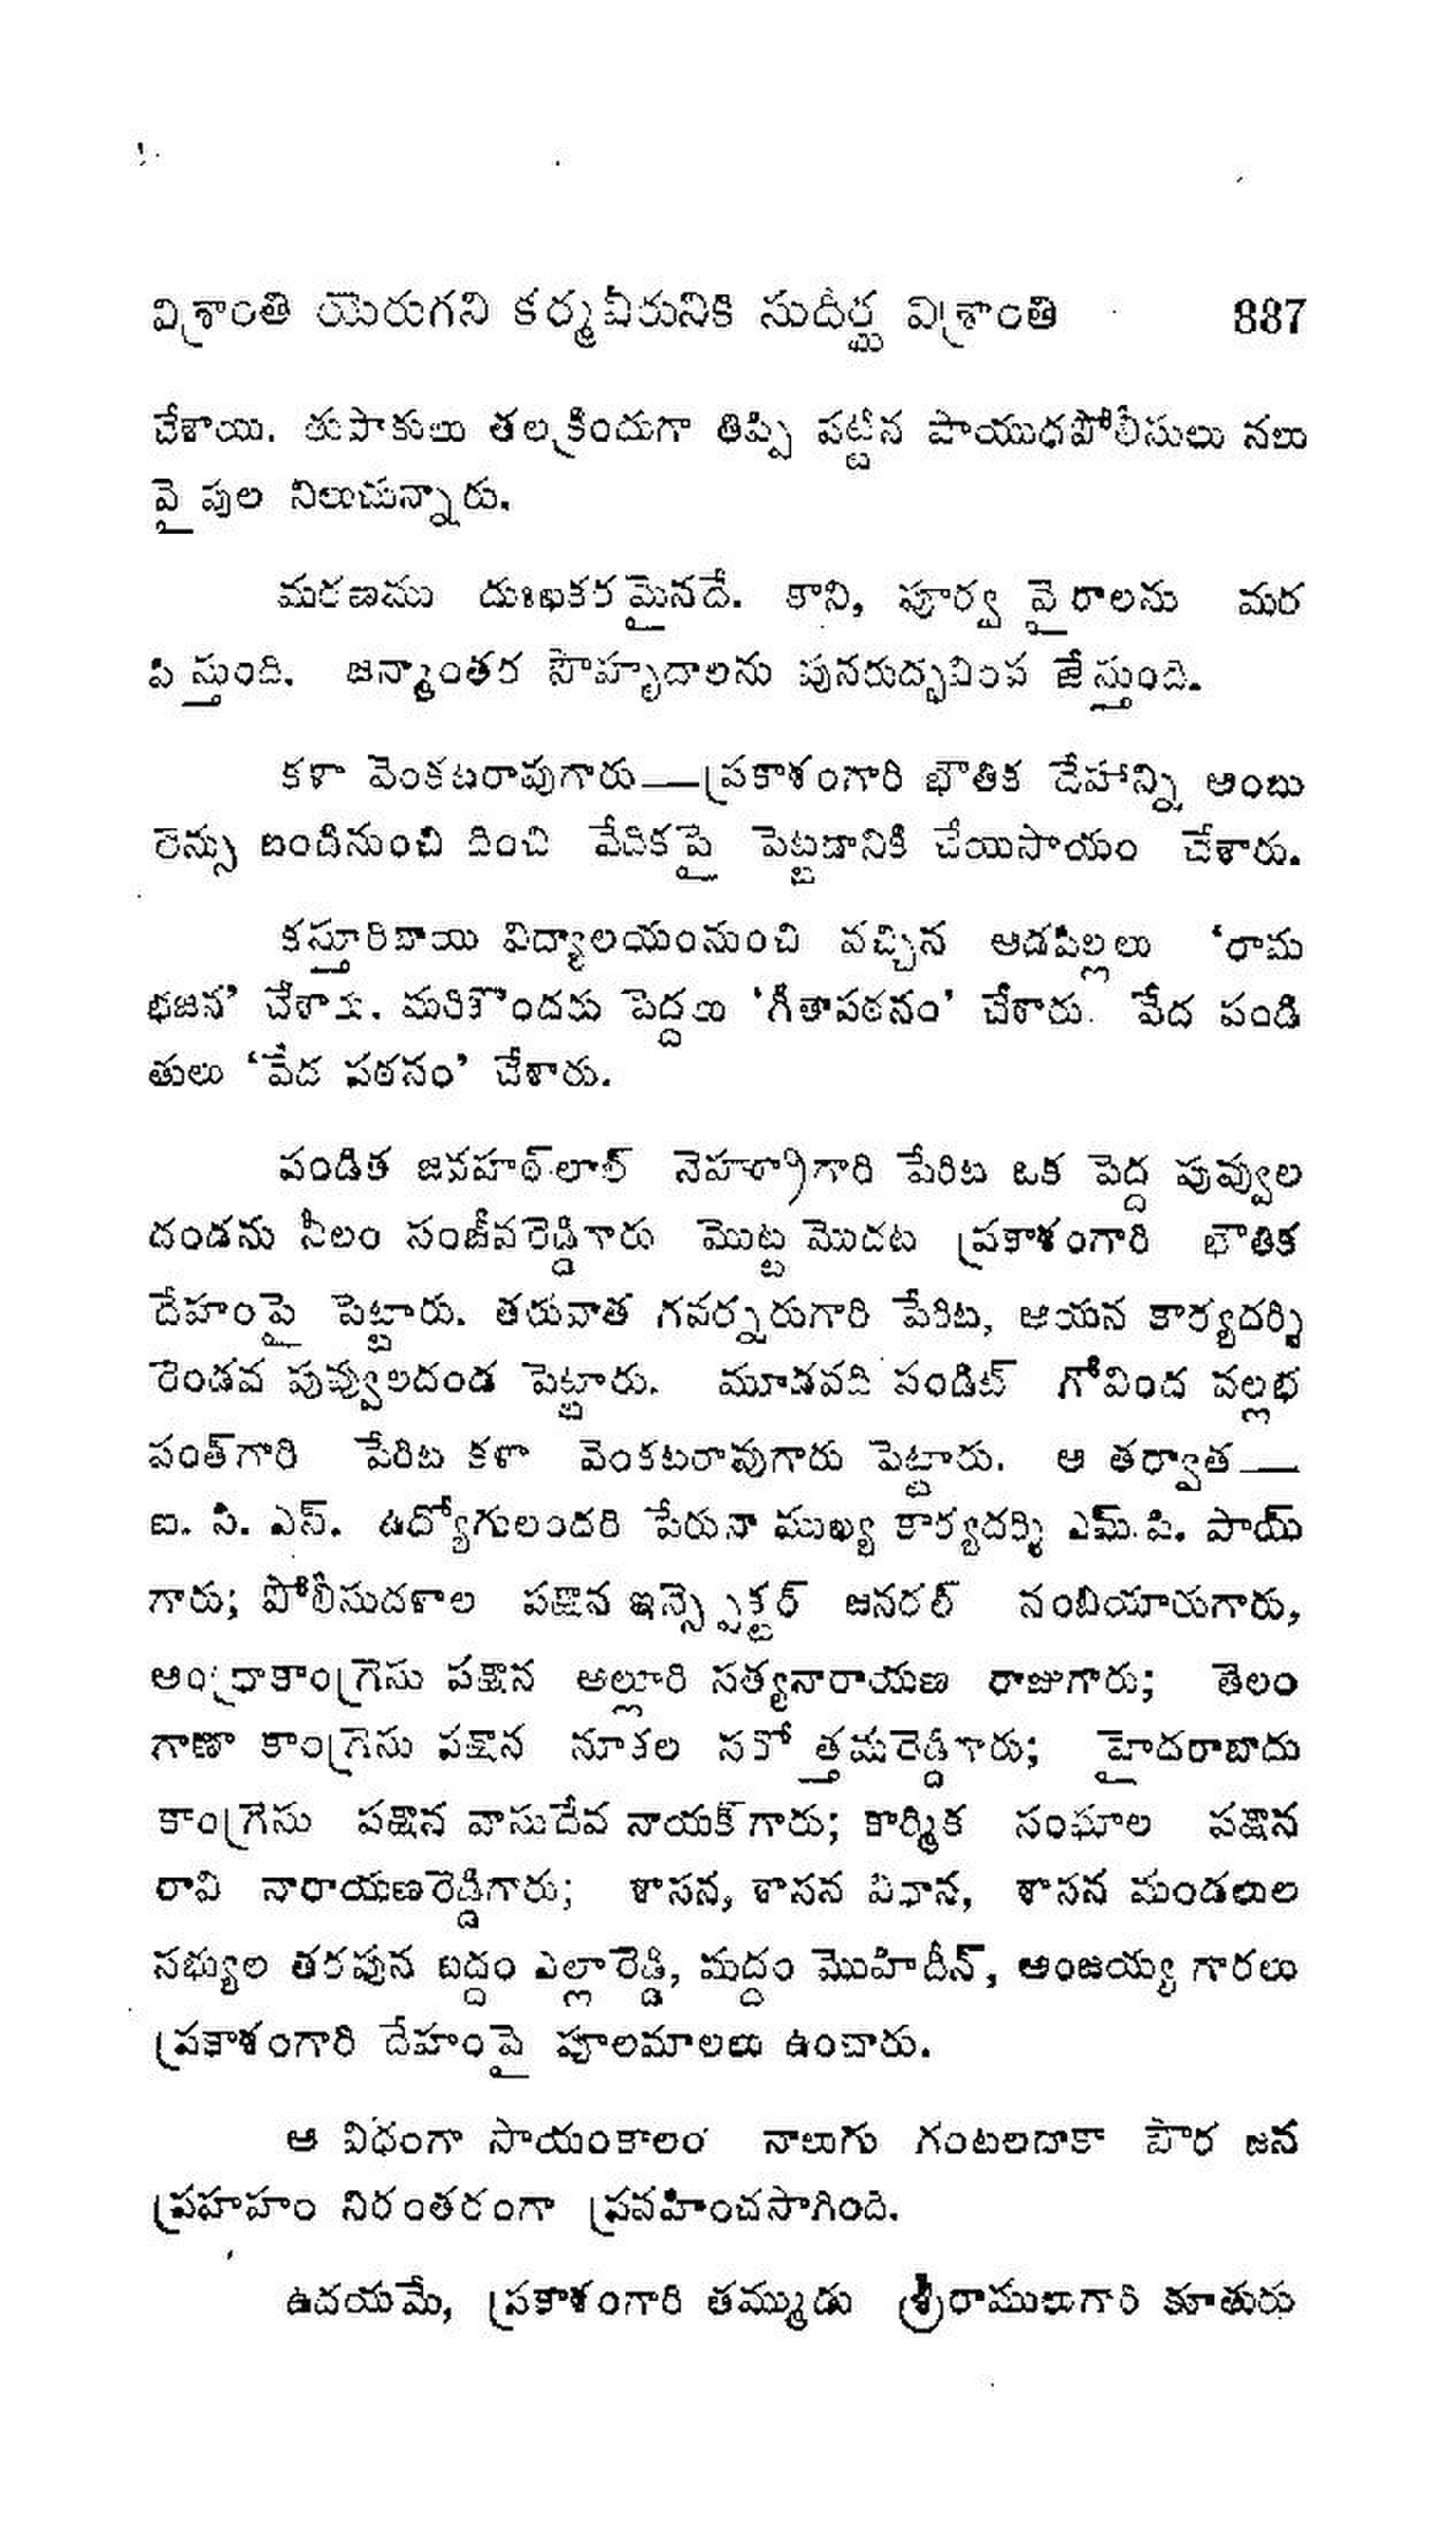చేశాయి. తుపాకులు తలక్రిందులుగా తిప్పి పట్టిన సాయుధపోలీసులు నలువైపుల నిలుచున్నారు.

మరణము దు:ఖకరమైనదే. కాని, పూర్వ వైరాలను మరపిస్తుంది. జన్మాంతర సౌహృదాలను పునరుద్భవింప జేస్తుంది.

కళా వెంకటరావుగారు - ప్రకాశంగారి భౌతిక దేహాన్ని అంబులెన్సు బండినుంచి దించి వేదికపై పెట్టడానికి చేయిసాయం చేశారు.

కస్తూరిబాయి విద్యాలయంనుంచి వచ్చిన ఆడపిల్లలు 'రామ భజన' చేశారు. మరికొందరు పెద్దలు 'గీతాపఠనం' చేశారు. వేద పండితులు 'వేద పఠనం' చేశారు.

పండిత జవహర్‌లాల్ నెహ్రూగారి పేరిట ఒక పెద్ద పువ్వుల దండను నీలం సంజీవరెడ్డిగారు మొట్ట మొదట ప్రకాశంగారి భౌతిక దేహంపై పెట్టారు. తరువాత గవర్నరుగారి పేరిట, ఆయన కార్యదర్శి రెండవ పువ్వులదండ పెట్టారు. మూడవది పండిట్ గోవింద వల్లభ పంత్‌గారి పేరిట కళా వెంకటరావుగారు పెట్టారు. ఆ తర్వాత - ఇ. సి. ఎస్. ఉద్యోగులందరి పేరునా ముఖ్య కార్యదర్శి ఎమ్. పి. పాయ్‌గారు; పోలీసుదళాల పక్షాన ఇన్స్పెక్టర్ జనరల్ నంబియారుగారు, ఆంధ్రాకాంగ్రెసు పక్షాన అల్లూరి సత్యనారాయణ రాజుగారు; తెలంగాణా కాంగ్రెసు పక్షాన నూకల సరోత్తమరెడ్డిగారు; హైదరాబాదు కాంగ్రెసు పక్షాన వాసుదేవ నాయక్‌గారు; కార్మిక సంఘాల పక్షాన రావి నారాయణరెడ్డిగారు; శాసన, శాసన విధాన, శాసన మండలుల సభ్యుల తరపున బద్దం ఎల్లారెడ్డి, మద్దం మొహిదీన్, అంజయ్య గారలు ప్రకాశంగారి దేహంపై పూలమాలలు ఉంచారు.

ఆ విధంగా సాయంకాలం నాలుగు గంటలదాకా పౌర జన ప్రవాహం నిరంతరంగా ప్రవహించసాగింది.

ఉదయమే, ప్రకాశంగారి తమ్ముడు శ్రీరాములుగారి కూతురు